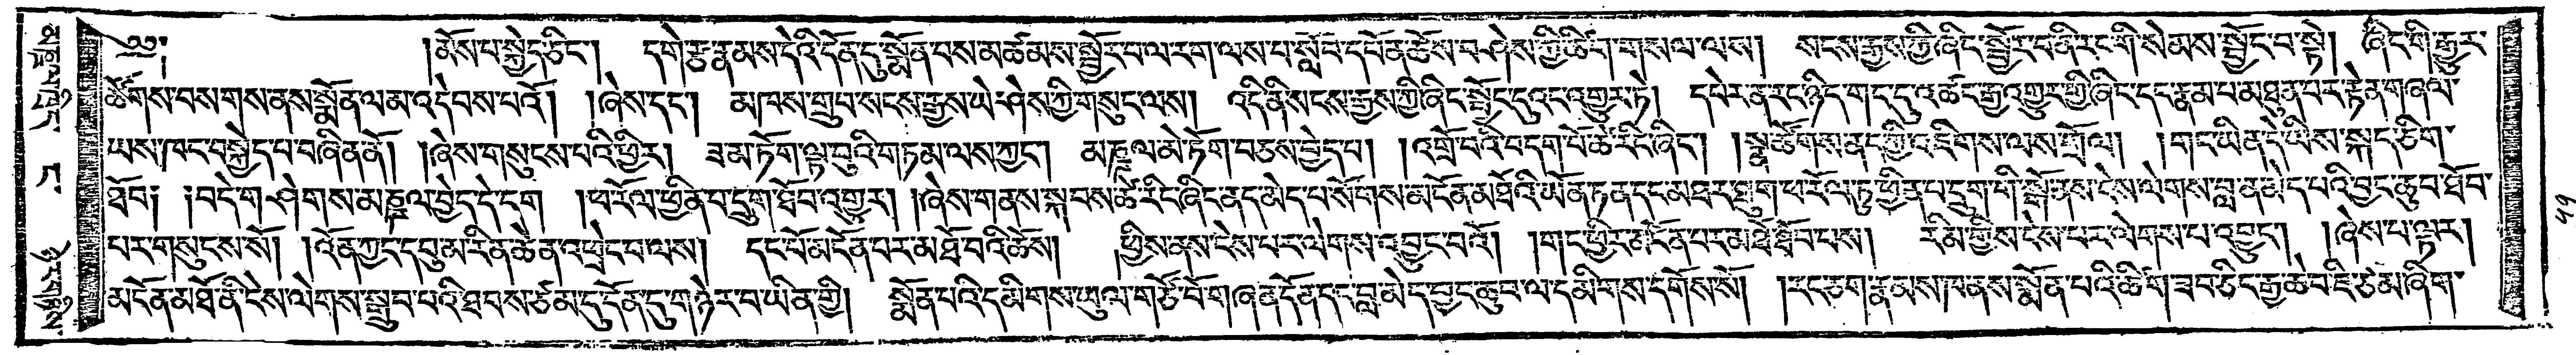༄༅། །མོས་པ་སྐྱེད་ཅིང་། དགེ་རྩ་རྣམས་དེའི་དོན་དུ་སྨོན་པས་མཚམས་སྦྱོར་བ་ལ་རག་ལས་བ་སློབ་དཔོན་ཆོས་བཤེས་ཀྱི་ཚིག་གསལ་ལས། སངས་རྒྱས་ཀྱི་ཞིང་སྦྱོར་བ་ནི་རང་གི་སེམས་སྦྱོང་བ་སྟེ། ཞིང་གི་རྒྱུར་
ཚོགས་བསགས་ནས་སྨོན་ལམ་འདེབས་པའོ། །ཞེས་དང་། མཁས་གྲུབ་སངས་རྒྱས་ཡེ་ཤེས་ཀྱི་གསུང་ལས། འདི་ནི་སངས་རྒྱས་ཀྱི་ཞིང་སྦྱོང་དུའང་འགྱུར་ཏེ། དཔེར་ན་རང་ཉིད་གང་དུ་འཚང་རྒྱ་འགྱུར་གྱི་ཞིང་དང་རྣམ་པ་མཐུན་པར་རྟེན་གཞལ་
ཡས་ཁང་བསྐྱེད་བ་བཞིན་ནོ། །ཞེས་གསུངས་པའི་ཕྱིར། ཟམ་ཏོག་ལྟ་བུའི་གཏམ་ལས་ཀྱང་། མཎྜལ་མེ་ཏོག་བཅས་བྱེད་པ། །འགྲོ་བའི་བདག་བོ་ཚེ་རིང་ཞིང་། །སྣ་ཚོགས་ནད་ཀྱི་འཇིགས་ལས་གྲོལ། །གང་ཡིན་དེ་ཡིས་སྐད་ཅིག་
ཐོབ༑ ༑བདེ་གཤེགས་མཎྜལ་བྱེད་དེ་དག །ཕ་རོལ་ཕྱིན་པ་དྲུག་ཐོབ་འགྱུར། །ཞེས་གནས་སྐབས་ཚེ་རིང་ཞིང་ནད་མེད་པ་སོགས་མངོན་མཐོའི་ཡོན་ཏན་དང་མཐར་ཐུག་ཕ་རོལ་ཏུ་ཕྱིན་པ་དྲུག་གི་སྒོ་ནས་ངེས་ལེགས་བླ་ན་མེད་པའི་བྱང་ཆུབ་ཐོབ་
པར་གསུངས་སོ། །འོན་ཀྱང་དབུ་མ་རིན་ཆེན་འཕྲེང་བ་ལས། དང་བོ་མངོན་པར་མཐོ་བའི་ཆོས། །ཕྱིས་ནས་ངེས་པར་ལེགས་འབྱུང་བའོ། །གང་ཕྱིར་མངོན་པར་མཐོ་ཐོབ་པས། རིམ་གྱིས་ངེས་པར་ལེགས་པ་འབྱུང་། །ཞེས་པ་ལྟར།
མངོན་མཐོ་ནི་ངེས་ལེགས་སྒྲུབ་པའི་ཐབས་ཙམ་དུ་དོན་དུ་གཉེར་བ་ཡིན་གྱི། སྨོན་པའི་དམིགས་ཡུལ་གཙོ་བོ་གཞན་དོན་དང་བླ་མེད་བྱང་ཆུབ་ལ་དམིགས་དགོས་སོ། །རང་ཅག་རྣམས་ཁ་ནས་སྨོན་པའི་ཚིག་ཟབ་ཅིང་རྒྱ་ཆེ་བ་ཇི་ཙམ་ཞིག་